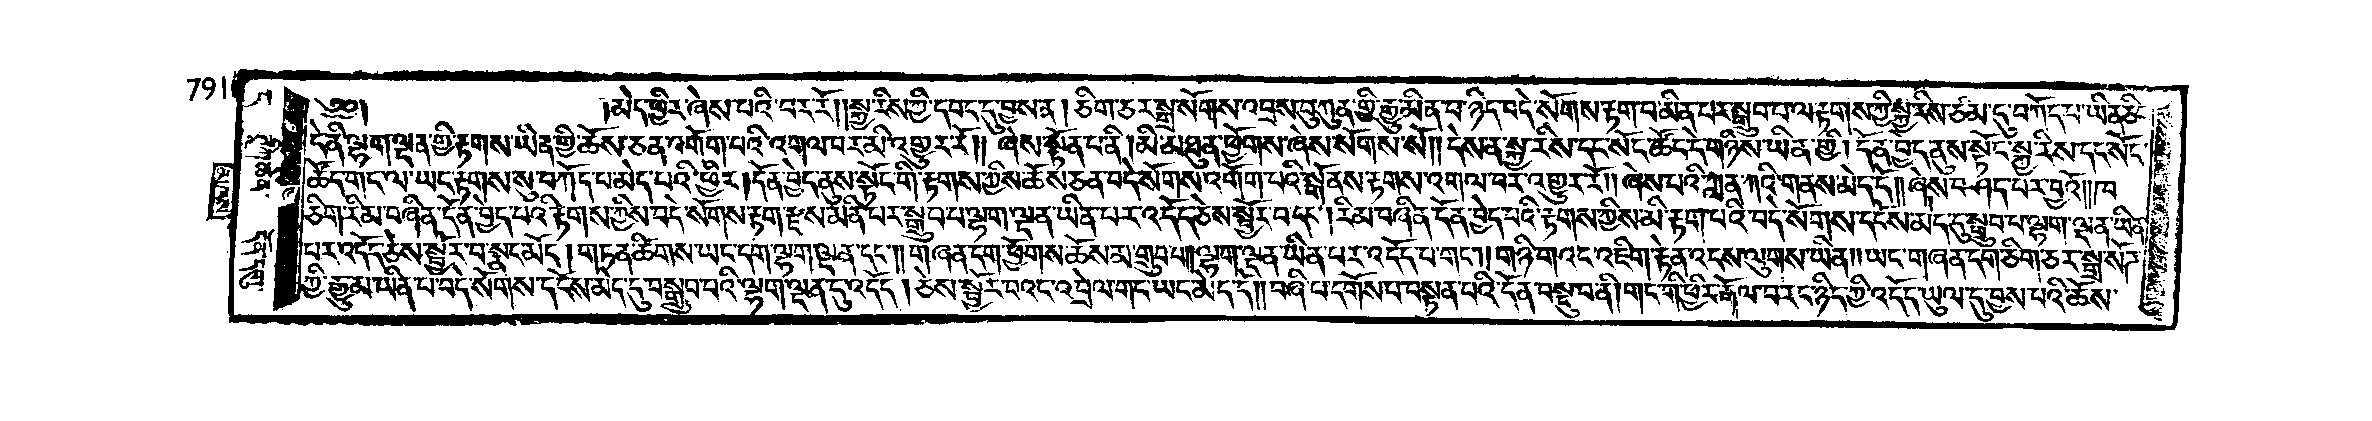༄༅། །མེད་ཕྱིར་ཞེས་པའི་བར་རོ། །སྐྱ་རིས་ཀྱི་དབང་དུ་བྱས་ན། ཅིག་ཅར་སྒྲ་སོགས་འབྲས་བུ་ཀུན་གྱི་རྒྱུ་མིན་པ་ཉིད་བདེ་སོགས་རྟག་པ་མིན་པར་སྒྲུབ་པ་ལ་རྟགས་ཀྱི་སྐྱ་རིས་ཙམ་དུ་བཀོད་པ་ཡིན་ཅིང་
དེ་ནི་ལྷག་ལྡན་གྱི་རྟགས་ཡིན་གྱི་ཆོས་ཅན་འགོག་པའི་འགལ་བར་མི་འགྱུར་རོ། །ཞེས་སྟོན་པ་ནི། མི་མཐུན་ཕྱོགས་ཞེས་སོགས་སོ། །དེས་ན་སྐྱ་རིས་དང་སོང་ཚོད་དེ་གཉིས་ཡིན་གྱི། དོན་བྱེད་ནུས་སྟོང་སྐྱ་རིས་དང་སོང་
ཚོད་གང་ལ་ཡང་རྟགས་སུ་བཀོད་པ་མེད་པའི་ཕྱིར། དོན་བྱེད་ནུས་སྟོང་གི་རྟགས་ཀྱིས་ཆོས་ཅན་བདེ་སོགས་འགོག་པའི་སྒོ་ནས་རྟགས་འགལ་བར་འགྱུར་རོ། །ཞེས་པའི་ཀླན་ཀའི་གནས་མེད་དོ། །ཞེས་བཤད་པར་བྱའོ། །ཁ་
ཅིག་རིམ་བཞིན་དོན་བྱེད་པའི་རྟགས་ཀྱིས་བདེ་སོགས་རྟག་རྫས་མིན་པར་སྒྲུབ་པ་ལྷག་ལྡན་ཡིན་པར་འདོད་ཅེས་སྦྱོར་བ་དང་། རིམ་བཞིན་དོན་བྱེད་པའི་རྟགས་ཀྱིས་མི་རྟག་པའི་བདེ་སོགས་དངོས་མེད་དུ་སྒྲུབ་པ་ལྷག་ལྡན་ཡིན་
པར་འདོད་ཅེས་སྦྱོར་བ་སྣང་མོད། གཏན་ཚིགས་ཡང་དག་ལྷག་ལྡན་དང་། །གཞན་དག་ཕྱོགས་ཆོས་མ་གྲུབ་པ། །ལྷག་ལྡན་ཡིན་པར་འདོད་པ་གང་། །གཉི་གའང་འཇིག་རྟེན་འདས་ལུགས་ཡིན། །ཡང་གཞན་དག་ཅིག་ཅར་སྒྲ་སོགས་
ཀྱི་རྒྱུ་མ་ཡིན་པ་བདེ་སོགས་དངོས་མེད་དུ་བསྒྲུབ་པའི་ལྷག་ལྡན་དུ་འདོད། ཅེས་སྦྱོར་བའང་འབྲེལ་གང་ཡང་མེད་དོ། །བཞི་པ་དགོས་པ་བསྟན་པའི་དོན་བསྡུ་བ་ནི། གང་གི་ཕྱིར་རྒོལ་བ་རང་ཉིད་ཀྱི་འདོད་ཡུལ་དུ་བྱས་པའི་ཆོས་